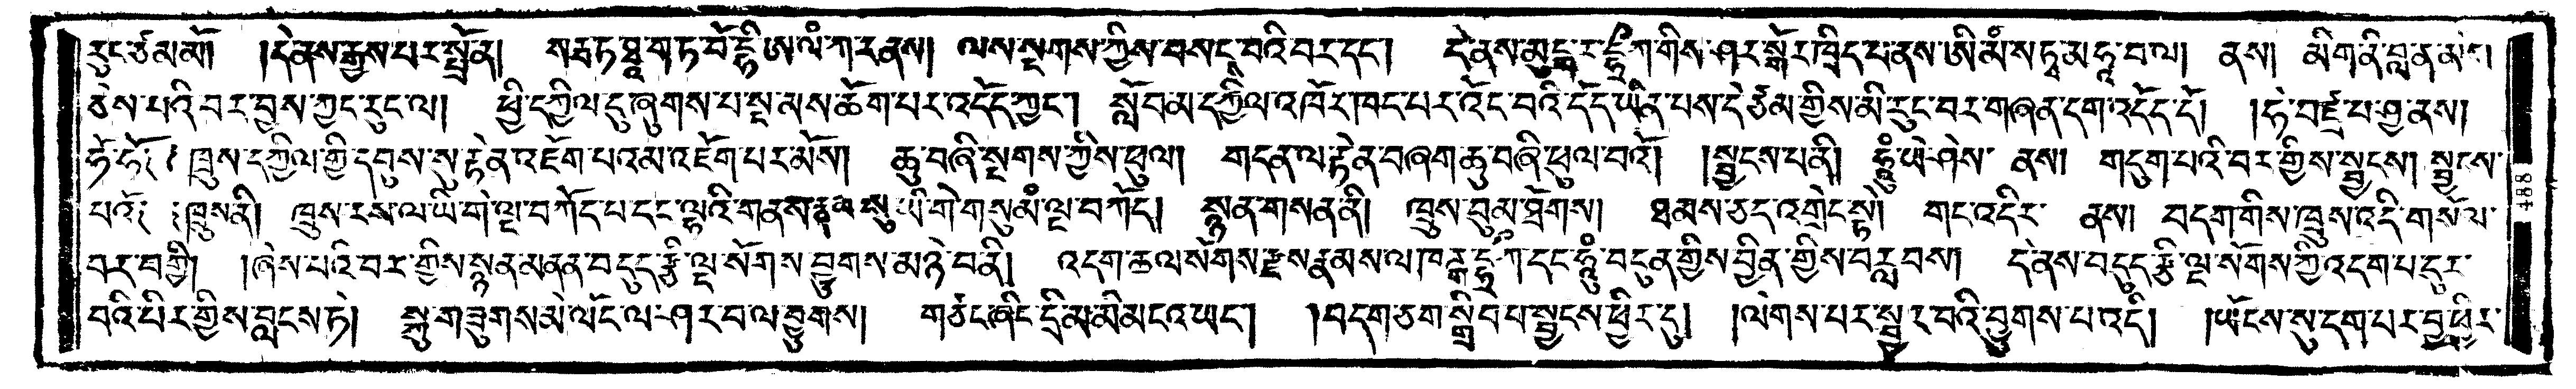རུང་ཙམ་མོ། །དེ་ནས་རྒྱས་པར་སྤྲོན། སརྦ་ཏ་ཐཱ་ག་ཏ་བོ་དྷི་ཨ་ལཾ་ཀར་ནས། ལས་སྔགས་ཀྱིས་བསང་བའི་བར་དང་། དེ་ནས་མདྷ་ར་དྷྲྀ་ཀ་གིས་ཤར་སྒོར་ཁྲིད་པ་ནས་ཨི་མཾ་ས་ཏྭ་མ་ཧཱ་བ་ལ། ནས། མིག་ནི་གླ་ན་མེས་
ཅེས་པའི་བར་བྱས་ཀྱང་རུང་ལ། ཕྱི་དཀྱིལ་དུ་ཞུགས་པ་སྔ་མས་ཆོ་ག་པར་འདོད་ཀྱང་། སློབ་མ་དཀྱིལ་འཁོར་ཁང་པར་འོང་བའི་དོད་ཡིན་པས་དེ་ཙམ་གྱིས་མི་རུང་བར་གཞན་དག་འདོད་དོ། །ཧེ་བཛྲ་པ་ཤྱ་ནས།
ཧོ་ཧོ། །ཁྲུས་དཀྱིལ་གྱི་དབུས་སུ་རྟེན་འཇོག་པའམ་འཇོག་པར་མོས། ཆུ་བཞི་སྔགས་ཀྱི་ཕུལ། གདན་ལ་རྟེན་བཞག་ཆུ་བཞི་ཕུལ་བའོ། །སྦྱངས་པ་ནི། ཧཱུཾ་ཡེ་ཤེས་ནས། གདུག་པའི་བར་གྱིས་སྦྱངས། སྦྱངས་
པའོ། །ཁྲུས་ནི། ཁྲུས་རས་ལ་ཡི་གེ་ལྔ་བཀོད་པ་དང་ལྟའི་གནས་རྣམ་སུ་ཡི་གེ་གསུམ་ལྔ་བཀོད། སྙན་གསན་ནི། ཁྲུས་བུམ་ཐོགས། ཐམས་ཅད་འགྲེང་སྟེ། གང་འདིར་ནས། བདག་གིས་ཁྲུས་འདི་གསོལ་
བར་བགྱི། །ཞེས་པའི་བར་གྱིས་སྙན་མནན་བདུད་རྩི་ལྔ་སོགས་བྱུགས་མཉེ་བ་ནི། འདག་ཆལ་སོགས་རྫས་རྣམས་ལ་ཁཌྒ་དྷྲྀ་ཀ་དང་ཧཱུཾ་བདུན་གྱིས་བྱིན་གྱིས་བརླབས། དེ་ནས་བདུད་རྩི་ལྔ་སོགས་ཀྱི་འདག་པ་དུར་
བའི་པིར་གྱིས་བླངས་ཏེ། སྐུ་གཟུགས་མེ་ལོང་ལ་ཤར་བ་ལ་བྱུགས། གཙང་ཞིང་དྲི་མ་མི་མངའ་ཡང་། །བདག་ཅག་སྒྲིབ་པ་སྦྱངས་ཕྱིར་དུ། །ལེགས་པར་སྦྱར་བའི་བྱུགས་པ་འདི། །ཡོངས་སུ་དག་པར་བྱ་ཕྱིར་